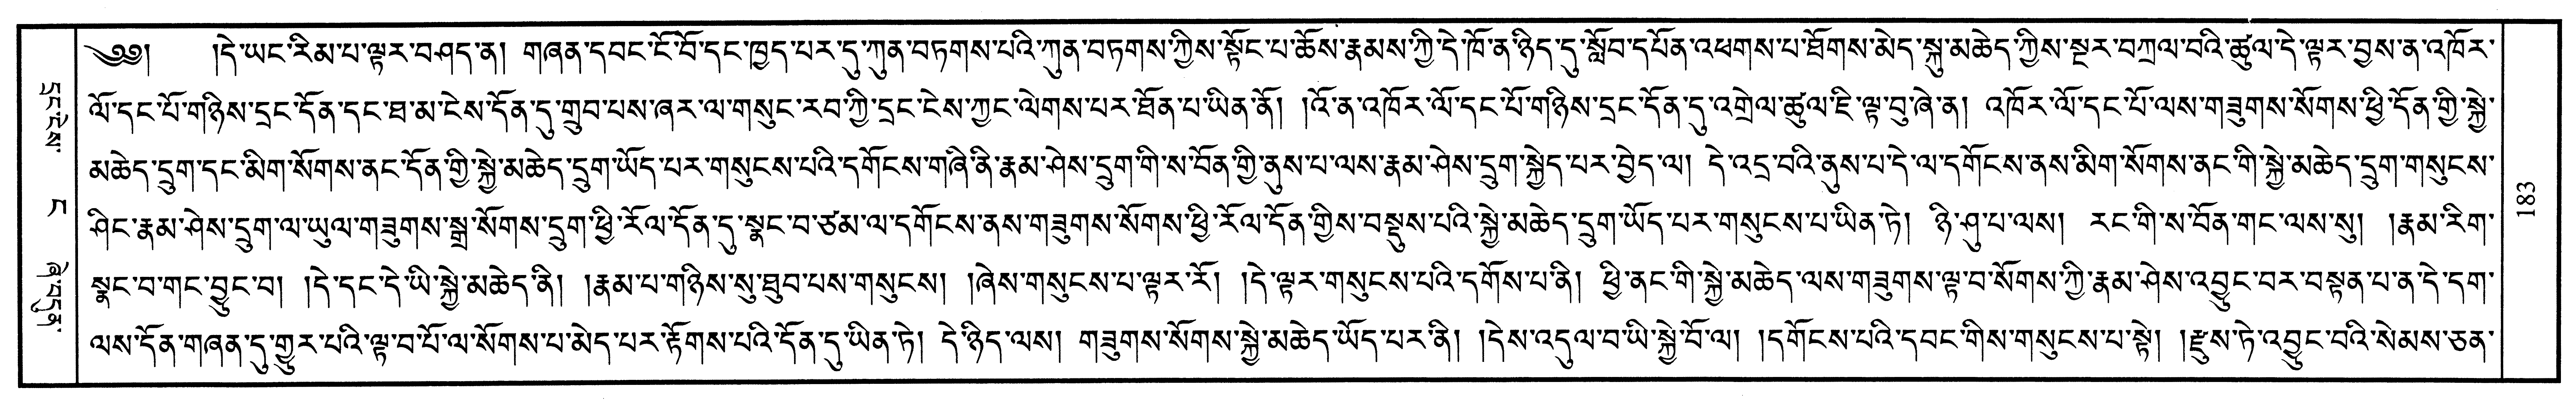༄༅། །དེ་ཡང་རིམ་པ་ལྟར་བཤད་ན། གཞན་དབང་ངོ་བོ་དང་ཁྱད་པར་དུ་ཀུན་བཏགས་པའི་ཀུན་བཏགས་ཀྱིས་སྟོང་པ་ཆོས་རྣམས་ཀྱི་དེ་ཁོ་ན་ཉིད་དུ་སློབ་དཔོན་འཕགས་པ་ཐོགས་མེད་སྐུ་མཆེད་ཀྱིས་སྔར་བཀྲལ་བའི་ཚུལ་དེ་ལྟར་བྱས་ན་འཁོར་
ལོ་དང་པོ་གཉིས་དྲང་དོན་དང་ཐ་མ་ངེས་དོན་དུ་གྲུབ་པས་ཞར་ལ་གསུང་རབ་ཀྱི་དྲང་ངེས་ཀྱང་ལེགས་པར་ཐོན་པ་ཡིན་ནོ། །འོ་ན་འཁོར་ལོ་དང་པོ་གཉིས་དྲང་དོན་དུ་འགྲེལ་ཚུལ་ཇི་ལྟ་བུ་ཞེ་ན། འཁོར་ལོ་དང་པོ་ལས་གཟུགས་སོགས་ཕྱི་དོན་གྱི་སྐྱེ་
མཆེད་དྲུག་དང་མིག་སོགས་ནང་དོན་གྱི་སྐྱེ་མཆེད་དྲུག་ཡོད་པར་གསུངས་པའི་དགོངས་གཞི་ནི་རྣམ་ཤེས་དྲུག་གི་ས་བོན་གྱི་ནུས་པ་ལས་རྣམ་ཤེས་དྲུག་སྐྱེད་པར་བྱེད་ལ། དེ་འདྲ་བའི་ནུས་པ་དེ་ལ་དགོངས་ནས་མིག་སོགས་ནང་གི་སྐྱེ་མཆེད་དྲུག་གསུངས་
ཤིང་རྣམ་ཤེས་དྲུག་ལ་ཡུལ་གཟུགས་སྒྲ་སོགས་དྲུག་ཕྱི་རོལ་དོན་དུ་སྣང་བ་ཙམ་ལ་དགོངས་ནས་གཟུགས་སོགས་ཕྱི་རོལ་དོན་གྱིས་བསྡུས་པའི་སྐྱེ་མཆེད་དྲུག་ཡོད་པར་གསུངས་པ་ཡིན་ཏེ། ཉི་ཤུ་པ་ལས། རང་གི་ས་བོན་གང་ལས་སུ། །རྣམ་རིག་
སྣང་བ་གང་བྱུང་བ། །དེ་དང་དེ་ཡི་སྐྱེ་མཆེད་ནི། །རྣམ་པ་གཉིས་སུ་ཐུབ་པས་གསུངས། །ཞེས་གསུངས་པ་ལྟར་རོ། །དེ་ལྟར་གསུངས་པའི་དགོས་པ་ནི། ཕྱི་ནང་གི་སྐྱེ་མཆེད་ལས་གཟུགས་ལྟ་བ་སོགས་ཀྱི་རྣམ་ཤེས་འབྱུང་བར་བསྟན་པ་ན་དེ་དག་
ལས་དོན་གཞན་དུ་གྱུར་པའི་ལྟ་བ་པོ་ལ་སོགས་པ་མེད་པར་རྟོགས་པའི་དོན་དུ་ཡིན་ཏེ། དེ་ཉིད་ལས། གཟུགས་སོགས་སྐྱེ་མཆེད་ཡོད་པར་ནི། །དེས་འདུལ་བ་ཡི་སྐྱེ་བོ་ལ། །དགོངས་པའི་དབང་གིས་གསུངས་པ་སྟེ། །རྫུས་ཏེ་འབྱུང་བའི་སེམས་ཅན་